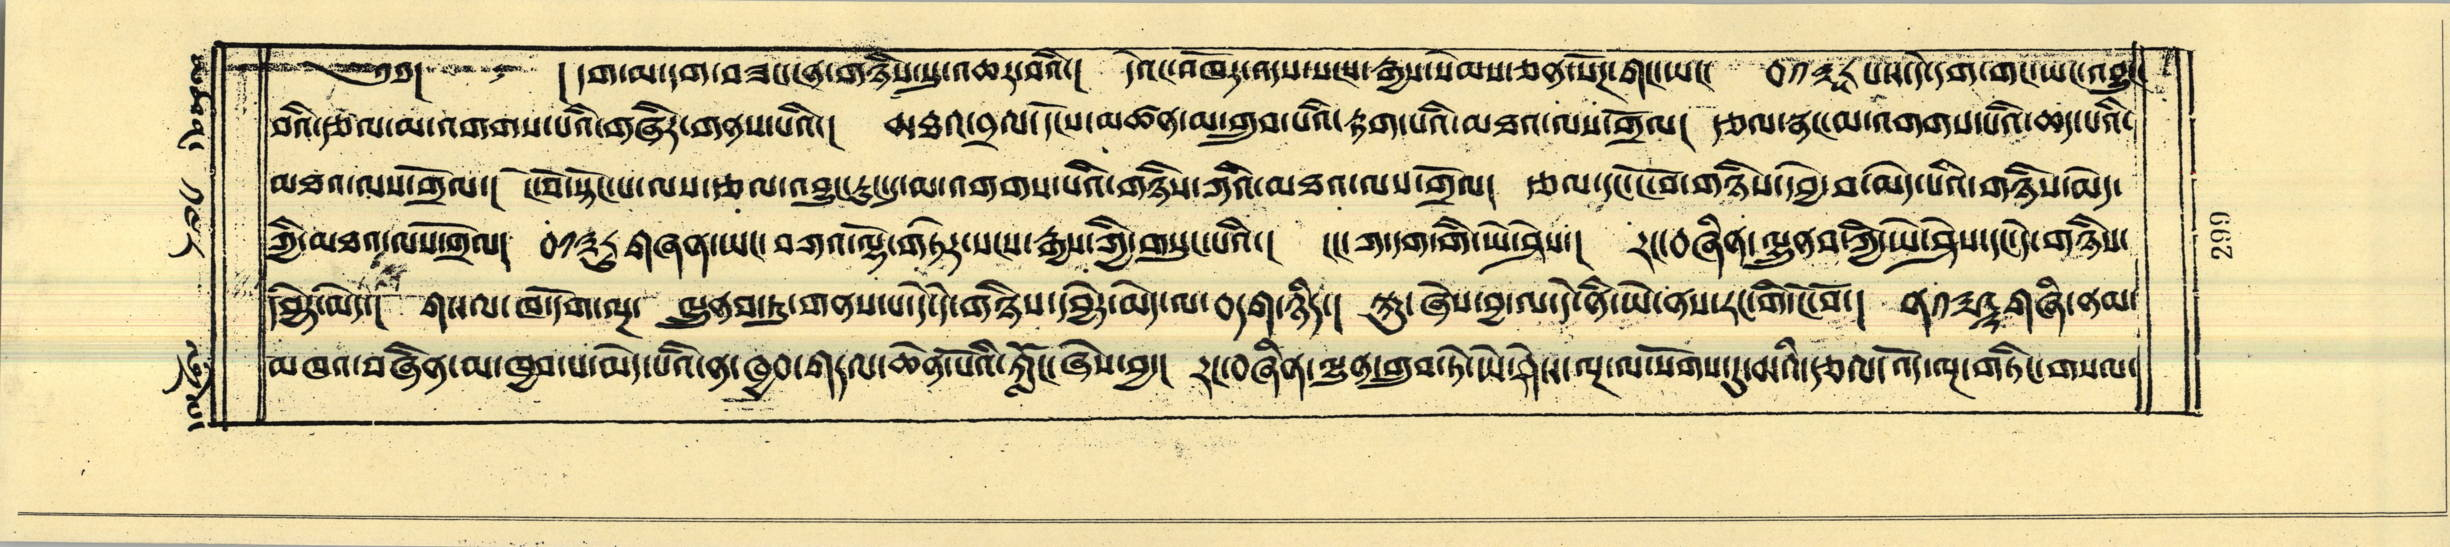དག་མ་དག་བཟང་ངན་གཉིས་སུ་འཆར་བའི། དེའང་འཁོར་འདས་སངས་རྒྱས་སེམས་ཅན་སོགས་ ༼གང་ཡང་༽བ༡༣༨།༥ ༼པས་༽དེ་དག་གང་ཡང་འབྱུང་
བའི་རྩལ་མ་འགགས་པའི་གཞིར་གནས་པའི། ༼མཐའ་བྲལ་༽དངོས་མཚན་མ་གྲུབ་པའི་རྟག་པའི་མཐའ་ལས་གྲོལ། རྩལ་སྣང་མ་འགགས་པའི་ཆད་པའི་
མཐའ་ལས་གྲོལ། ངོ་བོ་སྟོང་པ་ལས་རྩལ་འབྱུང་རུང་དུ་མ་འགགས་པའི་གཉིས་ཀའི་མཐའ་ལས་གྲོལ། རྩལ་དང་ངོ་བོ་གཉིས་དབྱེ་བ་མེད་པའི་གཉིས་མེད་
ཀྱི་མཐའ་ལས་གྲོལ། བ༡༣༨།༦ ༼གཞན་ཡང་༽བཀའ་ལྟོ་གཏེར་སངས་རྒྱས་ཀྱི་གསུང་པའི། ངང་ཀ་དག་གི་ཡེ་ཤེས། ༼རང་བཞིན་༽ལྷུན་གྲུབ་ཀྱི་ཡེ་ཤེས་དང་དེ་གཉིས་
དབྱེར་མེད། ༼གསལ་༽ཁ་དོག་ལྔ། ལྷུན་གྲུབ་ཏུ་གནས་པ་དེ་དེ་གཉིས་དབྱེར་མེད་ལ་ ༼བདག་ཉིད།༽ ༼སྐུ་༽ཞེས་བྱ་ལ་དེ་ནི་ཡེ་ནས་རང་གི་ངོ་བོ། ན༡༣༩།༢ ༼གཞི་༽ནམ་
མཁའ་བཞིན་མ་ཁྱབ་པ་མེད་པའི་ན་ ༼ཁྱབ་གདལ་༽ཆེན་པོའི་ ༼ཀློང་༽ཞེས་བྱ། ༼རང་བཞིན་༽ལྷུན་གྲུབ་ཏེ་ ༼ཡེ་ཤེས་༽ལྔ་ལ་སོགས་ ༼དུ་མའི་རྩལ་༽འོད་ལྔ་གཏིང་གསལ་